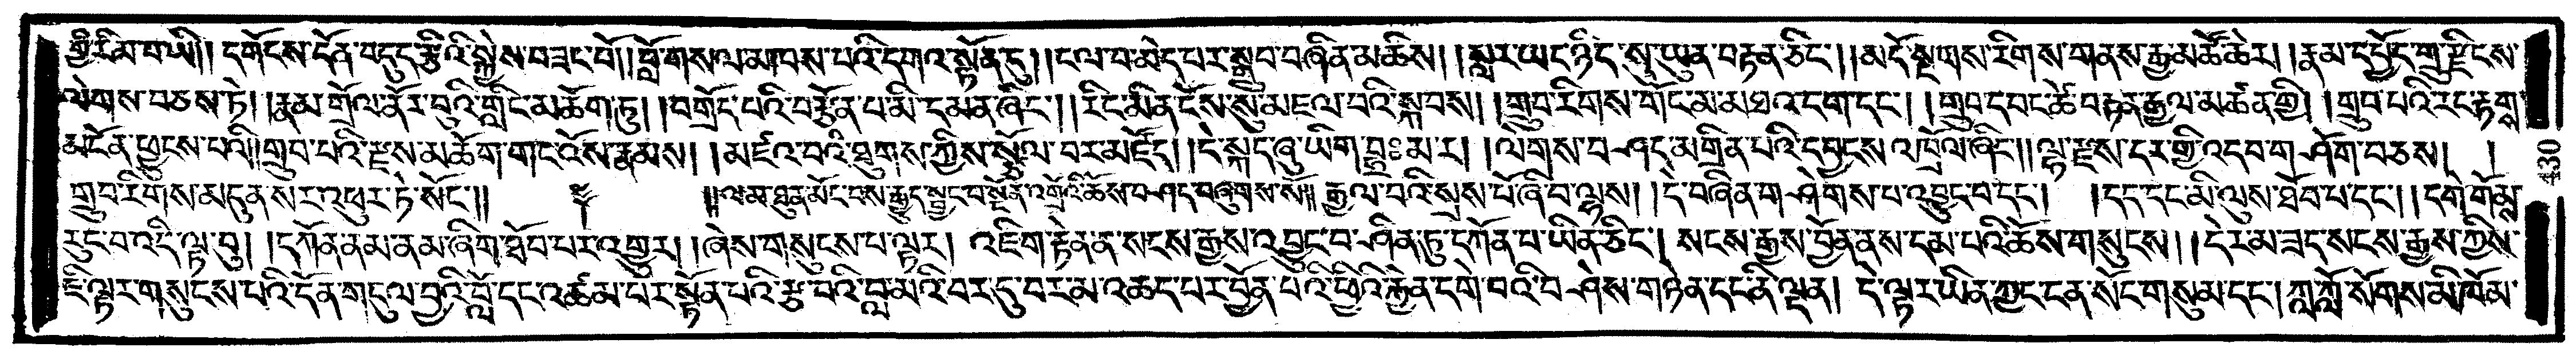གྱི་རིམ་པ་ཡི། །དགོངས་དོན་བདུད་རྩིའི་སྐྱེས་བཟང་པོ། །བློ་གསལ་མཁས་པའི་དགའ་སྟོན་དུ། །ངལ་བ་མེད་པར་སྒྲུབ་བཞིན་མཆིས། །སླར་ཡང་ཉིད་སུ་ཡུན་བརྟན་ཅིང་། །མདོ་སྔགས་རིགས་གནས་རྒྱ་མཚོ་ཆེར། །རྣམ་དཔྱོད་གྲུབ་རྫིངས་
ལེགས་བཅས་ཏེ། །རྣམ་གྲོལ་ནོར་བུའི་གླིང་མཆོག་ཏུ། །བགྲོད་པའི་བཙོན་པ་མི་དམན་ཞིང་། །རིང་མིན་ངོས་སུ་མཇལ་བའི་སྐབས། །གྲུབ་རིགས་གོང་མ་མཐའ་དག་དང་། །གྲུབ་དབང་ཚེ་བརྟན་རྒྱལ་མཚན་གྱི། །གྲུབ་པའི་རང་རྟགས་
མངོན་ཕྱུངས་པའི། །གྲུབ་པའི་རྫས་མཆོག་གང་འོས་རྣམས། །མཛའ་བའི་ཐུགས་ཀྱིས་སྩོལ་བར་མཛོད། །དེ་སྐད་ཞུ་ཡིག་བྷྲཿ མ་ར། །ལེགས་བཤད་མགྲིན་པའི་དབྱངས་འཁྲོལ་ཞིང་། །ལྷ་རྫས་དར་གྱི་འདབ་གཤོག་བཅས། །
གྲུབ་རིགས་མདུན་སར་འཕུར་ཏེ་སོང།། ༈ །།ལམ་ཐུན་མོང་བས་རྒྱུད་སྦྱང་བ་སྔོན་འགྲོའི་ཆོས་བཤད་བཞུགས་སོ། །རྒྱལ་བའི་སྲས་པོ་ཞི་བ་ལྷས། །དེ་བཞིན་གཤེགས་པ་འབྱུང་བ་དང་། །དད་དང་མི་ལུས་ཐོབ་པ་དང་། །དགེ་གོམས་
རུང་བ་འདི་ལྟ་བུ། །དཀོན་ནམ་ནམ་ཞིག་ཐོབ་པར་འགྱུར། །ཞེས་གསུངས་པ་ལྟར། འཇིག་རྟེན་ན་སངས་རྒྱས་འབྱུང་བ་ཤིན་ཏུ་དཀོན་པ་ཡིན་ཅིང་། སངས་རྒྱས་བྱོན་ནས་དམ་པའི་ཆོས་གསུངས། །དེར་མ་ཟད་སངས་རྒྱས་ཀྱིས་
ཇི་ལྟར་གསུངས་པའི་དོན་གདུལ་བྱའི་བློ་དང་འཚམ་པར་སྟོན་པའི་རྩ་བའི་བླ་མའི་བར་དུ་བར་མ་འཆད་པར་བྱོན་པའི་ཕྱིའི་རྐྱེན་དགེ་བའི་བཤེས་གཉེན་དང་ནི་ལྡན། དེ་ལྟར་ཡིན་ཀྱང་ངན་སོང་གསུམ་དང་། ཀླ་ཀློ་སོགས་མི་ཁོམ་